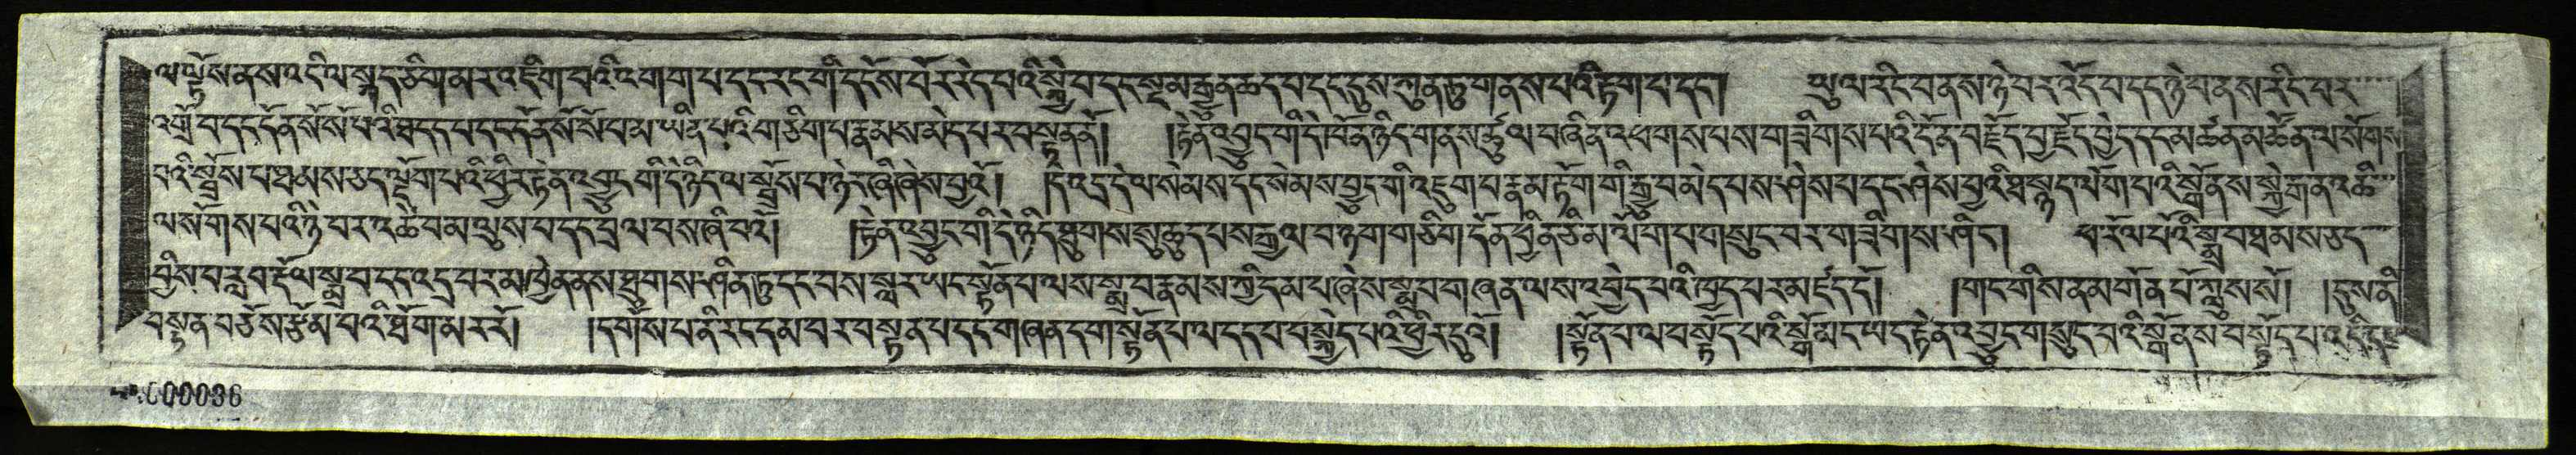ལ་ལྟོས་ནས་འདི་ལ་སྐད་ཅིག་མར་འཇིག་བའི་འགག་པ་དང་རང་གི་དངོས་པོར་རེད་པའི་སྐྱེ་བ་དང་སྔ་མ་རྒྱུན་ཆད་པ་དང་དུས་ཀུན་ཏུ་གནས་པའི་རྟག་པ་དང་། ཡུལ་རིང་བ་ནས་ཉེ་བར་འོང་བ་དང་ཉེ་བ་ནས་རིང་བར་
འགྲོ་བ་དང་དོན་སོ་སོ་པའི་ཐ་དད་པ་དང་དོན་སོ་སོ་པ་མ་ཡིན་པའི་གཅིག་པ་རྣམས་མེད་པར་བསྟན་ནོ། །རྟེན་འབྱུང་གི་དེ་ཁོ་ན་ཉིད་གནས་ཚུལ་བཞིན་འཕགས་པས་གཟིགས་པའི་དོན་བརྗོད་བྱ་རྗོད་བྱེད་དང་མཚན་མཚོན་ལ་སོགས་
པའི་སྤྲོས་པ་ཐམས་ཅད་ལྡོག་པའི་ཕྱིར་རྟེན་འབྱུང་གི་དེ་ཉིད་ལ་སྤྲོས་པ་ཉེར་ཞི་ཞེས་བྱའོ། །དེ་འདྲ་དེ་ལ་སེམས་དང་སེམས་བྱུང་གི་འཇུག་པ་རྣམ་རྟོག་གི་རྒྱུ་བ་མེད་པས་ཤེས་པ་དང་ཤེས་བྱའི་ཐ་སྙད་ལོག་པའི་སྒོ་ནས་སྐྱེ་རྒ་ན་འཆི་
ལ་སོགས་པའི་ཉེ་བར་འཚེ་བ་མ་ལུས་པ་དང་བྲལ་བས་ཞི་བའོ། །རྟེན་འབྱུང་གི་དེ་ཉིད་ཐུགས་སུ་ཆུད་པས་རྒྱལ་བ་ཉག་གཅིག་དོན་ཕྱིན་ཅི་མ་ལོག་པ་གསུང་བར་གཟིགས་ཤིང་། ཕ་རོལ་པོའི་སྨྲ་བ་ཐམས་ཅད་
བྱིས་བརླབ་རྡོལ་སྨྲ་བ་དང་འདྲ་བར་མཁྱེན་ནས་ཐུགས་ཤིན་ཏུ་དང་བས་སླར་ཡང་སྟོན་པ་ལས་སྨྲ་བ་རྣམས་ཀྱི་དམ་པ་ཞེས་སྨྲ་བ་གཞན་ལས་འབྱེད་པའི་ཁྱད་པར་མཛད་དོ། །གང་གིས་ན་མགོན་པོ་ཀླུས་སོ། །དུས་ནི་
བསྟན་བཅོས་རྩོམ་པའི་ཐོག་མར་རོ། །དགོས་པ་ནི་རང་དམ་བར་བསྟན་པ་དང་གཞན་དག་སྟོན་པ་ལ་དད་པ་བསྐྱེད་པའི་ཕྱིར་དུའོ། །སྟོན་པ་ལ་བསྟོད་པའི་སྒོ་མང་ཡང་རྟེན་འབྱུང་གསུང་བའི་སྒོ་ནས་བསྟོད་པ་འདི་དང་